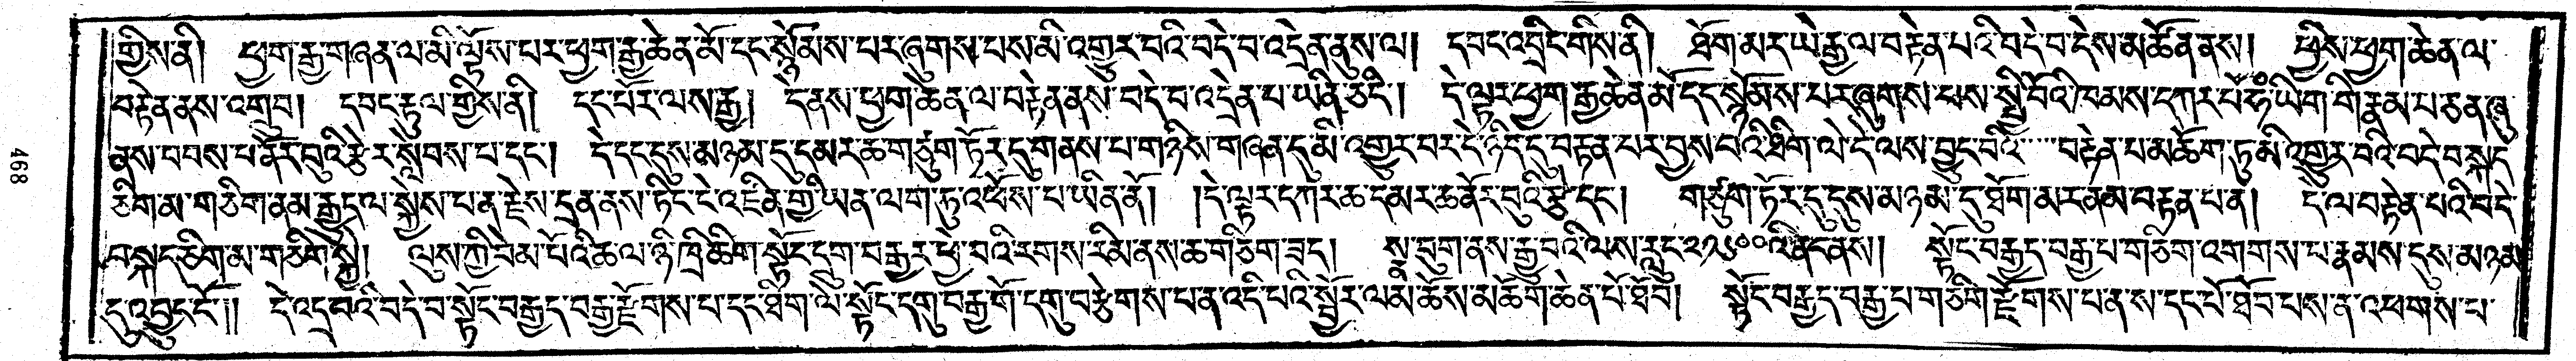གྱིས་ནི། ཕྱག་རྒྱ་གཞན་ལ་མི་ལྟོས་པར་ཕྱག་རྒྱ་ཆེན་མོ་དང་སྙོམས་པར་ཞུགས་པས་མི་འགྱུར་བའི་བདེ་བ་འདྲེན་ནུས་ལ། དབང་འབྲིང་གིས་ནི། ཐོག་མར་ཡེ་རྒྱལ་བརྟེན་པའི་བདེ་བ་ངེས་མཚོན་ནས། ཕྱིས་ཕྱག་ཆེན་ལ་
བརྟེན་ནས་འགྲུབ། དབང་རྟུལ་གྱིས་ནི། དང་པོར་ལས་རྒྱ། དེ་ནས་ཕྱག་ཆེན་ལ་བརྟེན་ནས་བདེ་བ་འདྲེན་པ་ཡིན་ཅིང་། དེ་ལྟར་ཕྱག་རྒྱ་ཆེན་མོ་དང་སྙོམས་པར་ཞུགས་པས་སྤྱི་བོའི་ཁམས་དཀར་པོ་ཧཾ་ཡིག་གི་རྣམ་པ་ཅན་ཞུ་
ནས་བབས་པ་ནོར་བུའི་རྩེར་སླེབས་པ་དང་། དེ་དང་དུས་མཉམ་དུ་དམར་ཆ་གཙུག་ཏོར་དུ་གནས་པ་གཉིས་གཞན་དུ་མི་འགྱུར་བར་དེ་ཉིད་དུ་བརྟན་པར་བྱས་པའི་ཐིག་ལེ་དེ་ལས་བྱུང་བའི་བརྟེན་པ་མཆོག་ཏུ་མི་འགྱུར་བའི་བདེ་བསྐད་
ཅིག་མ་གཅིག་ནམ་རྒྱུད་ལ་སྐྱེས་པ་ན་རྗེས་དྲན་ནས་ཏིང་ངེ་འཛིན་གྱི་ཡན་ལག་ཏུ་འཕོས་པ་ཡིན་ནོ། །དེ་ལྟར་དཀར་ཆ་དམར་ཆ་ནོར་བུའི་རྩེ་དང་། གཙུག་ཏོར་དུ་དུས་མཉམ་དུ་ཐོག་མར་ནམ་བརྟན་པ་ན། དེ་ལ་བརྟེན་པའི་བདེ་
བསྐད་ཅིག་མ་གཅིག་སྐྱེ། ལུས་ཀྱི་བེམ་པོའི་ཆ་ལ་ཉི་ཁྲི་ཆིག་སྟོང་དྲུག་བརྒྱར་ཕྱེ་བའི་རགས་རིམ་ནས་ཆ་གཅིག་ཟད། སྣ་བུག་ནས་རྒྱུ་བའི་ལས་རླུང ༢༡༦༠༠་འི་ནང་ནས། སྟོང་བརྒྱད་བརྒྱ་བ་གཅིག་འགགས་པ་རྣམས་དུས་མཉམ་
དུ་འབྱུང་ངོ།། དེ་འདྲ་བའི་བདེ་བ་སྟོང་བརྒྱད་བརྒྱ་རྫོགས་པ་དང་ཐིག་ལེ་སྟོང་དགུ་བརྒྱ་གོ་དགུ་བརྩེགས་པ་ན་འདི་པའི་སྦྱོར་ལམ་ཆོས་མཆོག་ཆེན་པོ་ཐོབ། སྟོང་བརྒྱད་བརྒྱ་པ་གཅིག་རྫོགས་པ་ན་ས་དང་པོ་ཐོབ་པས་ན་འཕགས་པ་